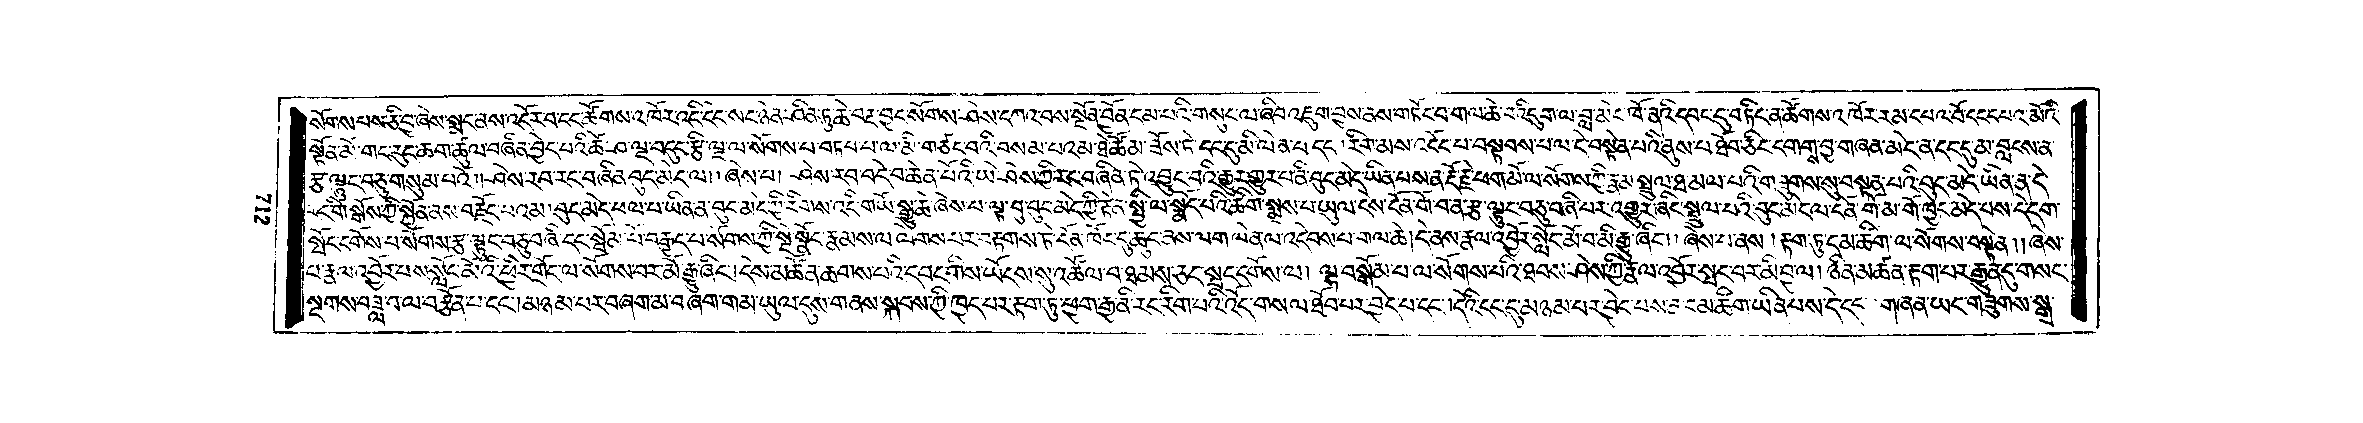སོགས་པས་ཅི་བྱ་ཞེས་སྨད་ནས་འདོར་བ་དང་ཚོགས་འཁོར་འདི་དེང་སང་ཉེན་ཤིན་ཏུ་ཆེ་བརྡ་བྱང་སོགས་ཤེས་དཀའ་བས་སྔོན་བྱོན་དམ་པའི་གསུང་ལ་ཞིབ་འཇུག་བྱས་ནས་གཏོང་བ་གལ་ཆེ་བའི་དུག་ལ་བླ་མེད་ཁོ་ནའི་དབང་དུ་བཏིང་ན་ཚོགས་འཁོར་རམ་དཔའ་བོ་དང་དཔའ་མོའི་
སྟོན་མོ་གང་རུང་ཆག་ཚུལ་བཞིན་བྱེད་པའི་ཚེ་ཤ་ལྔ་བདུད་རྩི་ལྔ་ལ་སོགས་པ་བཏབ་པ་ལ་མི་གཙང་བའི་བསམ་པའམ་ཐེ་ཚོམ་ཟོས་ཏེ་དང་དུ་མི་ལེན་པ་དང་། རིག་མས་འདོད་པ་བསྟབས་པ་ལ་དེ་བསྟེན་པའི་ནུས་པ་ཐོབ་ཅིང་དགགས་བྱ་གཞན་མེད་ན་དང་དུ་མ་བླངས་ན་
རྩ་ལྟུང་བཅུ་གསུམ་པའོ། །ཤེས་རབ་རང་བཞིན་བུད་མེད་ལ། །ཞེས་པ། ཤེས་རབ་བདེ་བ་ཆེན་པོའི་ཡེ་ཤེས་ཀྱི་རང་བཞིན་ཏེ་འབྱུང་བའི་རྒྱུར་གྱུར་པ་ནི་བུད་མེད་ཡིན་པས་ན་རྡོ་རྗེ་ཕག་མོ་ལ་སོགས་ཀྱི་རྣམ་སྤྲུལ་ཐ་མལ་པའི་གཟུགས་སུ་བསྟན་པའི་བུད་མེད་ཡིན་ན་དེ་
རང་གི་སྒོས་ཀྱི་སྐྱོན་ནས་བརྗོད་པའམ། བུད་མེད་ཕལ་པ་ཡིན་ན་བུད་མེད་ཀྱི་རིགས་འདི་གཡོ་སྒྱུ་ཆེ་ཞེས་པ་ལྟ་བུ་བུད་མེད་ཀྱི་རྟེན་སྤྱི་ལ་སྨོད་པའི་ཚིག་སྨྲས་པ་ཡུལ་དེས་དོན་གོ་བ་ན་རྩ་ལྟུང་བཅུ་བཞི་པར་འགྱུར་ཞིང་སྤྲུལ་པའི་བུད་མེད་ལ་དོན་གོ་མ་གོ་ཁྱད་མེད་པས་དེ་དག་
སྤོང་དགོས་པ་སོགས་རྩ་ལྟུང་བཅུ་བཞི་དང་སྦོམ་པོ་བརྒྱད་པ་སོགས་ཀྱི་སྡེ་སྣོད་རྣམས་ལ་ལེགས་པར་བརྟགས་ཏེ་དོན་ཁོང་དུ་ཆུང་ནས་ལག་ལེན་ལ་འདེབས་པ་གལ་ཆེ། དེ་ནས་རྣལ་འབྱོར་སློང་མོ་བ་མི་རྒྱུ་ཞིང་། །ཞེས་པ་ནས། རྟག་ཏུ་དམ་ཚིག་ལ་སོགས་བསྟེན། །ཞེས་
པ་རྣལ་འབྱོར་པས་སློང་མོའི་ཕྱིར་གྲོང་ལ་སོགས་བར་མོ་རྒྱུ་ཞིང་། དེས་མཚོན་ཆགས་པའི་དབང་གིས་ཡོངས་སུ་འཚོལ་བ་ཐམས་ཅད་སྤང་དགོས་ལ། ལྷ་བསྒོམ་པ་ལ་སོགས་པའི་ཐབས་ཤེས་ཀྱི་རྣལ་འབྱོར་སྤང་བར་མི་བྱ་ལ། ཉིན་མཚན་རྟག་པར་རྒྱུན་དུ་གསང་
སྔགས་བཟླ་བ་ལ་བརྩོན་པ་དང་། མཉམ་པར་བཞག་མ་བཞག་གམ་ཡུལ་དུས་གནས་སྐབས་ཀྱི་ཁྱད་པར་རྟག་ཏུ་ཕྱག་རྒྱ་ནི་རང་རིག་པའི་འོད་གསལ་ཐོབ་པར་བྱེད་པ་དང་། དེའི་དང་དུ་མཉམ་པར་བྱེད་པས་ན་དམ་ཚིག་ཡིན་པས་དེ་དང་། གཞན་ཡང་གཟུགས་སྒྲ་